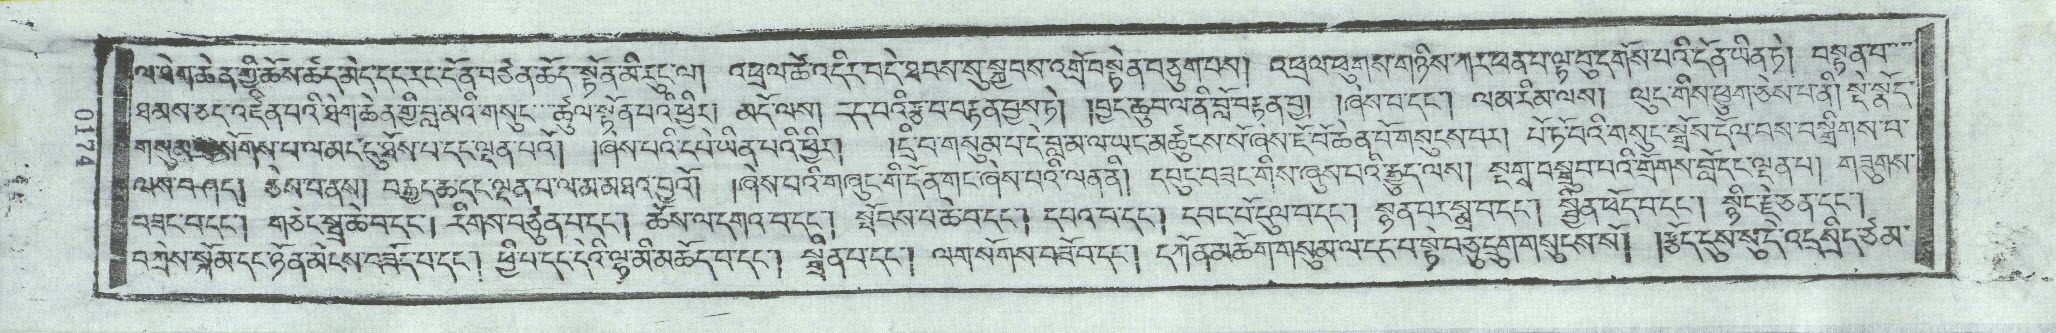ལ་ཐེག་ཆེན་གྱི་ཆོས་ཚད་མེད་དང་རང་དོན་བཅེན་ཆོད་སྟོན་མི་རུང་ལ། འཕྲལ་ཚེ་འདིར་བདེ་ཐབས་སུ་སྐྱབས་འགྲོ་བསྟེན་བཅུག་པས། འཕྲལ་ཕུགས་གཉིས་ཀར་ཕན་པ་ལྟ་བུ་དགོས་པའི་དོན་ཡིན་ཏེ། བསྟན་པ་
ཐམས་ཅད་འཛིན་པའི་ཐེག་ཆེན་གྱི་བླ་མའི་གསུང་ཚུལ་སྟོན་པའི་ཕྱིར། མདོ་ལས། དད་པའི་རྩ་བ་བརྟན་བྱས་ཏེ། །བྱང་ཆུབ་ལ་ནི་བློ་བརྟན་བྱ། །ཞེས་པ་དང་། ལམ་རིམ་ལས། ལུང་གིས་ཕྱུག་ཅེས་པ་ནི། སྡེ་སྣོད་
གསུམ་ལ་སོགས་པ་ལ་མང་དུ་ཐོས་པ་དང་ལྡན་པའོ། །ཞེས་པའི་དཔེ་ཡིན་པའི་ཕྱིར། །དྲི་བ་གསུམ་པ་དེ་བླ་མ་ལ་ཡང་མཚུངས་སོ་ཞེས་ཇོ་བོ་ཆེན་པོ་གསུངས་པར། པོ་ཏོ་བའི་གསུང་སྒྲོས་དོལ་བས་བསྒྲིགས་པ་
ལས་བཤད། ཅེས་པ་ནས། བརྒྱད་ཆ་དང་ལྡན་པ་ལམ་མཐའ་བྱའོ། །ཞེས་པའི་གཞུང་གི་དོན་གང་ཞེས་པའི་ལན་ནི། དཔུང་བཟང་གིས་ཞུས་པའི་རྒྱུད་ལས། སྔགས་བསྒྲུབ་པའི་གྲོགས་བློ་དང་ལྡན་པ། གཟུགས་
བཟང་བ་དང་། གཙང་སྦྲ་ཆེ་བ་དང་། རིགས་བཙུན་པ་དང་། ཆོས་ལ་དགའ་བ་དང་། སྤོབས་པ་ཆེ་བ་དང་། དཔའ་བ་དང་། དབང་པོ་དུལ་བ་དང་། སྙན་པར་སྨྲ་བ་དང་། སྦྱིན་ཕོད་པ་དང་། སྙིང་རྗེ་ཅན་དང་།
བཀྲིས་སྐོམ་དང་ཉོན་མོངས་བཟོད་པ་དང་། ཕྱི་པ་དང་དེའི་ལྷ་མི་མཆོད་པ་དང་། སྒྲིན་པ་དང་། ལག་སོགས་བཟོ་བ་དང་། དཀོན་མཆོག་གསུམ་ལ་དད་པ་སྟེ་བཅུ་དྲུག་གསུངས་སོ། །རྩོད་དུས་སུ་དེ་འདྲ་སྲིད་ཙམ་